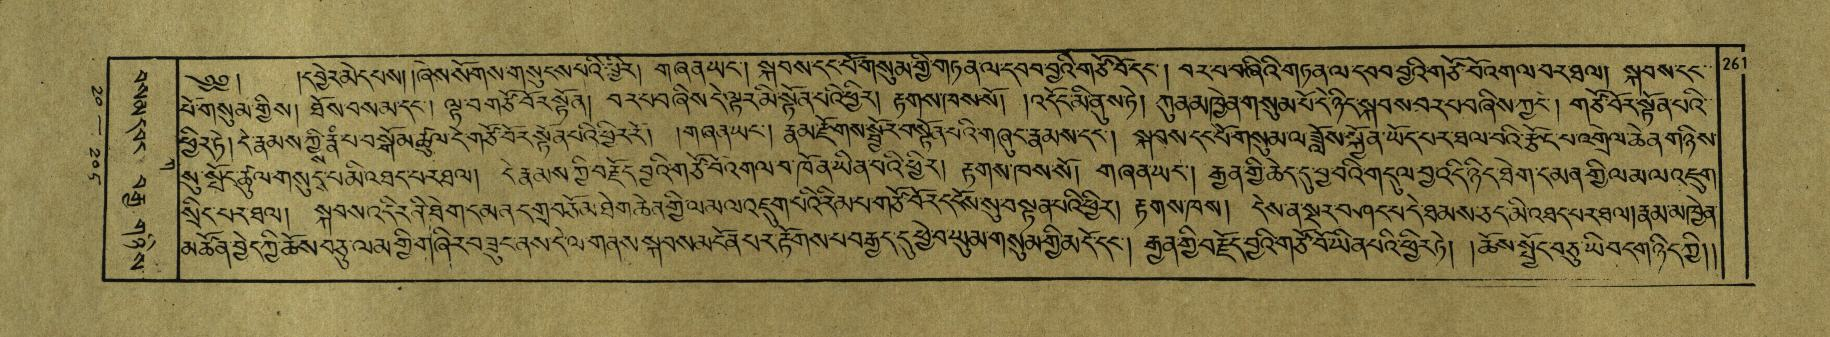༄༅། །དབྱེར་མེད་པས། །ཞེས་སོགས་གསུངས་པའི་ཕྱིར། གཞན་ཡང་། སྐབས་དང་པོ་གསུམ་གྱི་གཏན་ལ་དབབ་བྱའི་གཙོ་བོ་དང་། བར་པ་བཞིའི་གཏན་ལ་དབབ་བྱའི་གཙོ་བོ་འགལ་བར་ཐལ། སྐབས་དང་
པོ་གསུམ་གྱིས། ཐོས་བསམ་དང་། ལྟ་བ་གཙོ་བོར་སྟོན། བར་པ་བཞིས་དེ་ལྟར་མི་སྟོན་པའི་ཕྱིར། རྟགས་ཁས་སོ། །འདོད་མི་ནུས་ཏེ། ཀུན་མཁྱེན་གསུམ་པོ་དེ་ཉིད་སྐབས་བར་པ་བཞིས་ཀྱང་། གཙོ་བོར་སྟོན་པའི་
ཕྱིར་ཏེ། དེ་རྣམས་ཀྱིས་རྣཾ་པ་བསྒོམ་ཚུལ་དེ་གཙོ་བོར་སྟོན་པའི་ཕྱིར་རོ། །གཞན་ཡང་། རྣམ་རྫོགས་སྦྱོར་བ་སྟོན་པའི་གཞུང་རྣམས་དང་། སྐབས་དང་པོ་གསུམ་ལ་ཟློས་སྐྱོན་ཡོད་པར་ཐལ་བའི་རྩོང་པ་འགྲེལ་ཆེན་གཉིས་
སུ་སྤོང་ཚུལ་གསུངས་པ་མི་འཐད་པར་ཐལ། དེ་རྣམས་ཀྱི་བརྗོད་བྱའི་གཙོ་བོ་འགལ་བ་ཁོ་ན་ཡིན་པའི་ཕྱིར། རྟགས་ཁས་སོ། གཞན་ཡང་། རྒྱན་གྱི་ཆེད་དུ་བྱ་བའི་གདུལ་བྱ་འདི་ཉིད་ཐེག་དམན་གྱི་ལམ་ལ་འཇུག་
སྲིད་པར་ཐལ། སྐབས་འདིར་ནི་ཐེག་དམན་དགྲ་བཅོམ་ཐེག་ཆེན་གྱི་ལམ་ལ་འཇུག་པའི་རིམ་པ་གཙོ་བོར་དངོས་སུ་བསྟན་པའི་ཕྱིར། རྟགས་ཁས། དེས་ན་སྔར་བཤད་པ་དེ་ཐམས་ཅད་མི་འཐད་པར་ཐལ། རྣམ་མཁྱེན་
མཚོན་བྱེད་ཀྱི་ཆོས་བཅུ་ལམ་གྱི་གཞིར་བཟུང་ནས་དེ་ལ་གནས་སྐབས་མངོན་པར་རྟོགས་པ་བརྒྱད་དུ་ཕྱེ་བ་ཡུམ་གསུམ་གྱི་མདོ་དང་། རྒྱན་གྱི་བརྗོད་བྱའི་གཙོ་བོ་ཡིན་པའི་ཕྱིར་ཏེ། །ཆོས་སྤྱོང་བཅུ་ཡི་བདག་ཉིད་ཀྱི།།